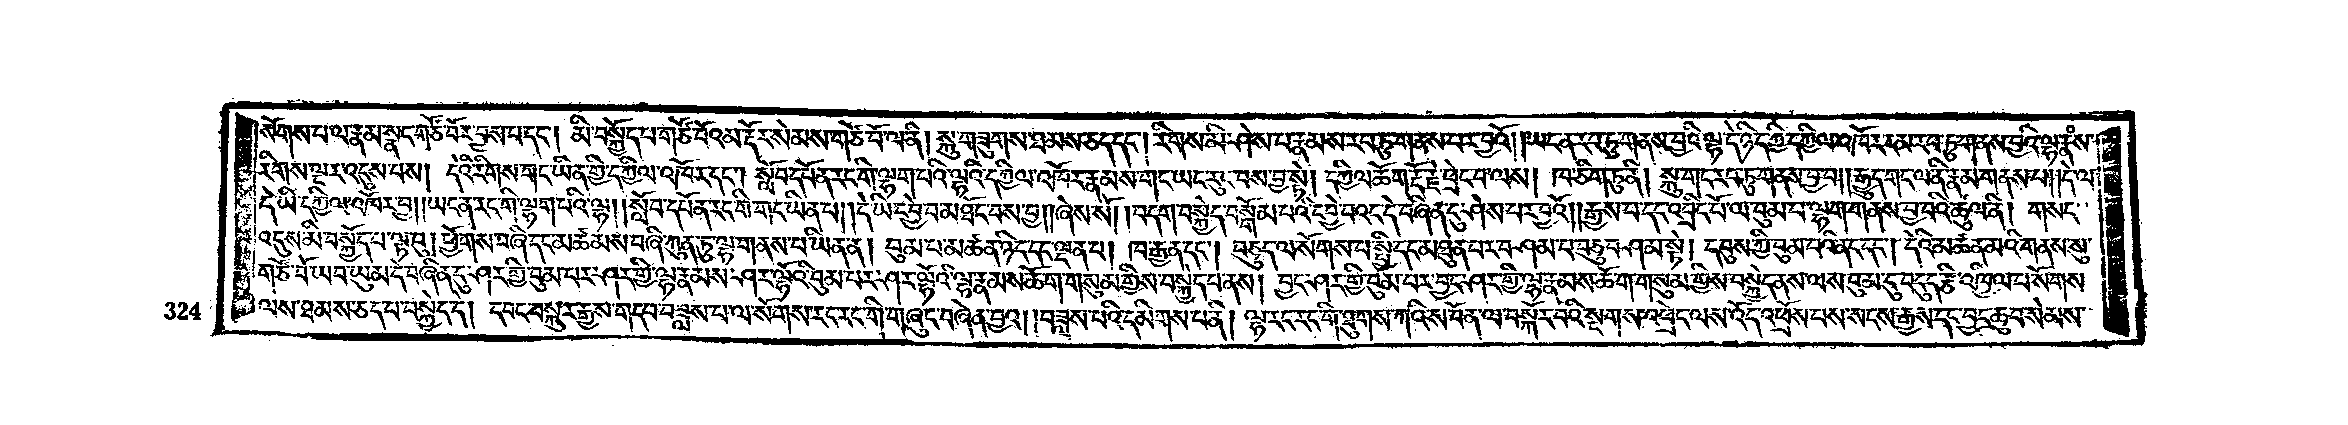སོགས་པ་ལ་རྣམ་སྣང་གཙོ་བོར་བྱས་པ་དང་། མི་བསྐྱོད་པ་གཙོ་བོའམ་རྡོར་སེམས་གཙོ་བོ་ལ་ནི། སྐུ་གཟུགས་ཐམས་ཅད་དང་། རིགས་མི་ཤེས་པ་རྣམས་རབ་ཏུ་གནས་པར་བྱའོ། །ཡང་ན་རབ་ཏུ་གནས་བྱའི་ལྷ་དེ་ཉིད་ཀྱི་དཀྱིལ་འཁོར་རམ་རབ་ཏུ་གནས་བྱའི་ལྷ་རྣམས་
རིགས་ལྔར་འདུས་པས། དེའི་རིགས་གང་ཡིན་གྱི་དཀྱིལ་འཁོར་དང་། སློབ་དཔོན་རང་གི་ལྷག་པའི་ལྷའི་དཀྱིལ་འཁོར་རྣམས་གང་ཡང་རུང་བས་བྱ་སྟེ། དཀྱིལ་ཆོག་རྡོ་རྗེ་ཕྲེང་བ་ལས། ཁ་ཅིག་ཏུ་ནི། སྐུ་གང་རབ་ཏུ་གནས་བྱ་བ། །རྒྱུད་གང་ལ་ནི་རྣམ་གནས་པ། །དེ་ལ་
དེ་ཡི་དཀྱིལ་འཁོར་བྱ། །ཡང་ན་རང་གི་ལྷག་པའི་ལྷ། །སློབ་དཔོན་རང་གི་གང་ཡིན་པ། །དེ་ཡི་དབྱེ་བ་མཐོང་བས་བྱ། །ཞེས་སོ། །བདག་བསྐྱེད་བསྒོམ་པའི་དབྱེ་བའང་དེ་བཞིན་དུ་ཤེས་པར་བྱའོ། །རྒྱས་པ་དང་འབྲིང་པོ་ལ་བུམ་པ་ལྷག་གནས་བྱ་བའི་ཚུལ་ནི། གསང་
འདུས་མི་བསྐྱོད་པ་ལྟ་བུ། ཕྱོགས་བཞི་དང་མཚམས་བཞི་ཀུན་ཏུ་ལྷ་གནས་པ་ཡིན་ན། བུམ་པ་མཚན་ཉིད་དང་ལྡན་པ། ཁ་རྒྱན་དང་། བཅུད་ལ་སོགས་པ་སྤྱི་དང་མཐུན་པར་བཤམ་པ་བཅུ་བཤམ་སྟེ། དབུས་ཀྱི་བུམ་པའི་ནང་དང་། དེའི་མཚན་མའི་གནས་སུ་
གཙོ་བོ་ཡབ་ཡུམ་དེ་བཞིན་དུ་ཤར་གྱི་བུམ་པར་ཤར་གྱི་ལྷ་རྣམས་ཤར་ལྷོའི་བུམ་པར་ཤར་ལྷོའི་ལྷ་རྣམས་ཆོ་ག་གསུམ་གྱིས་བསྐྱེད་པ་ནས། བྱང་ཤར་གྱི་བུམ་པར་བྱང་ཤར་གྱི་ལྷ་རྣམས་ཆོ་ག་གསུམ་གྱིས་བསྐྱེད་ནས་ལས་བུམ་དུ་བདུད་རྩི་འཁྱིལ་པ་སོགས་
ལས་ཐམས་ཅད་པ་བསྐྱེད་དེ། དབང་བསྐུར་རྒྱས་གདབ་བཟླས་པ་ལ་སོགས་རང་རང་གི་གཞུང་བཞེན་བྱའོ། །བཟླས་པའི་དམིགས་པ་ནི། ལྷ་རང་རང་གི་ཐུགས་ཀའི་ས་བོན་ལ་བསྐོར་བའི་སྔགས་འཕྲེང་ལས་འོད་འཕྲོས་པས་སངས་རྒྱས་དང་བྱང་ཆུབ་སེམས་